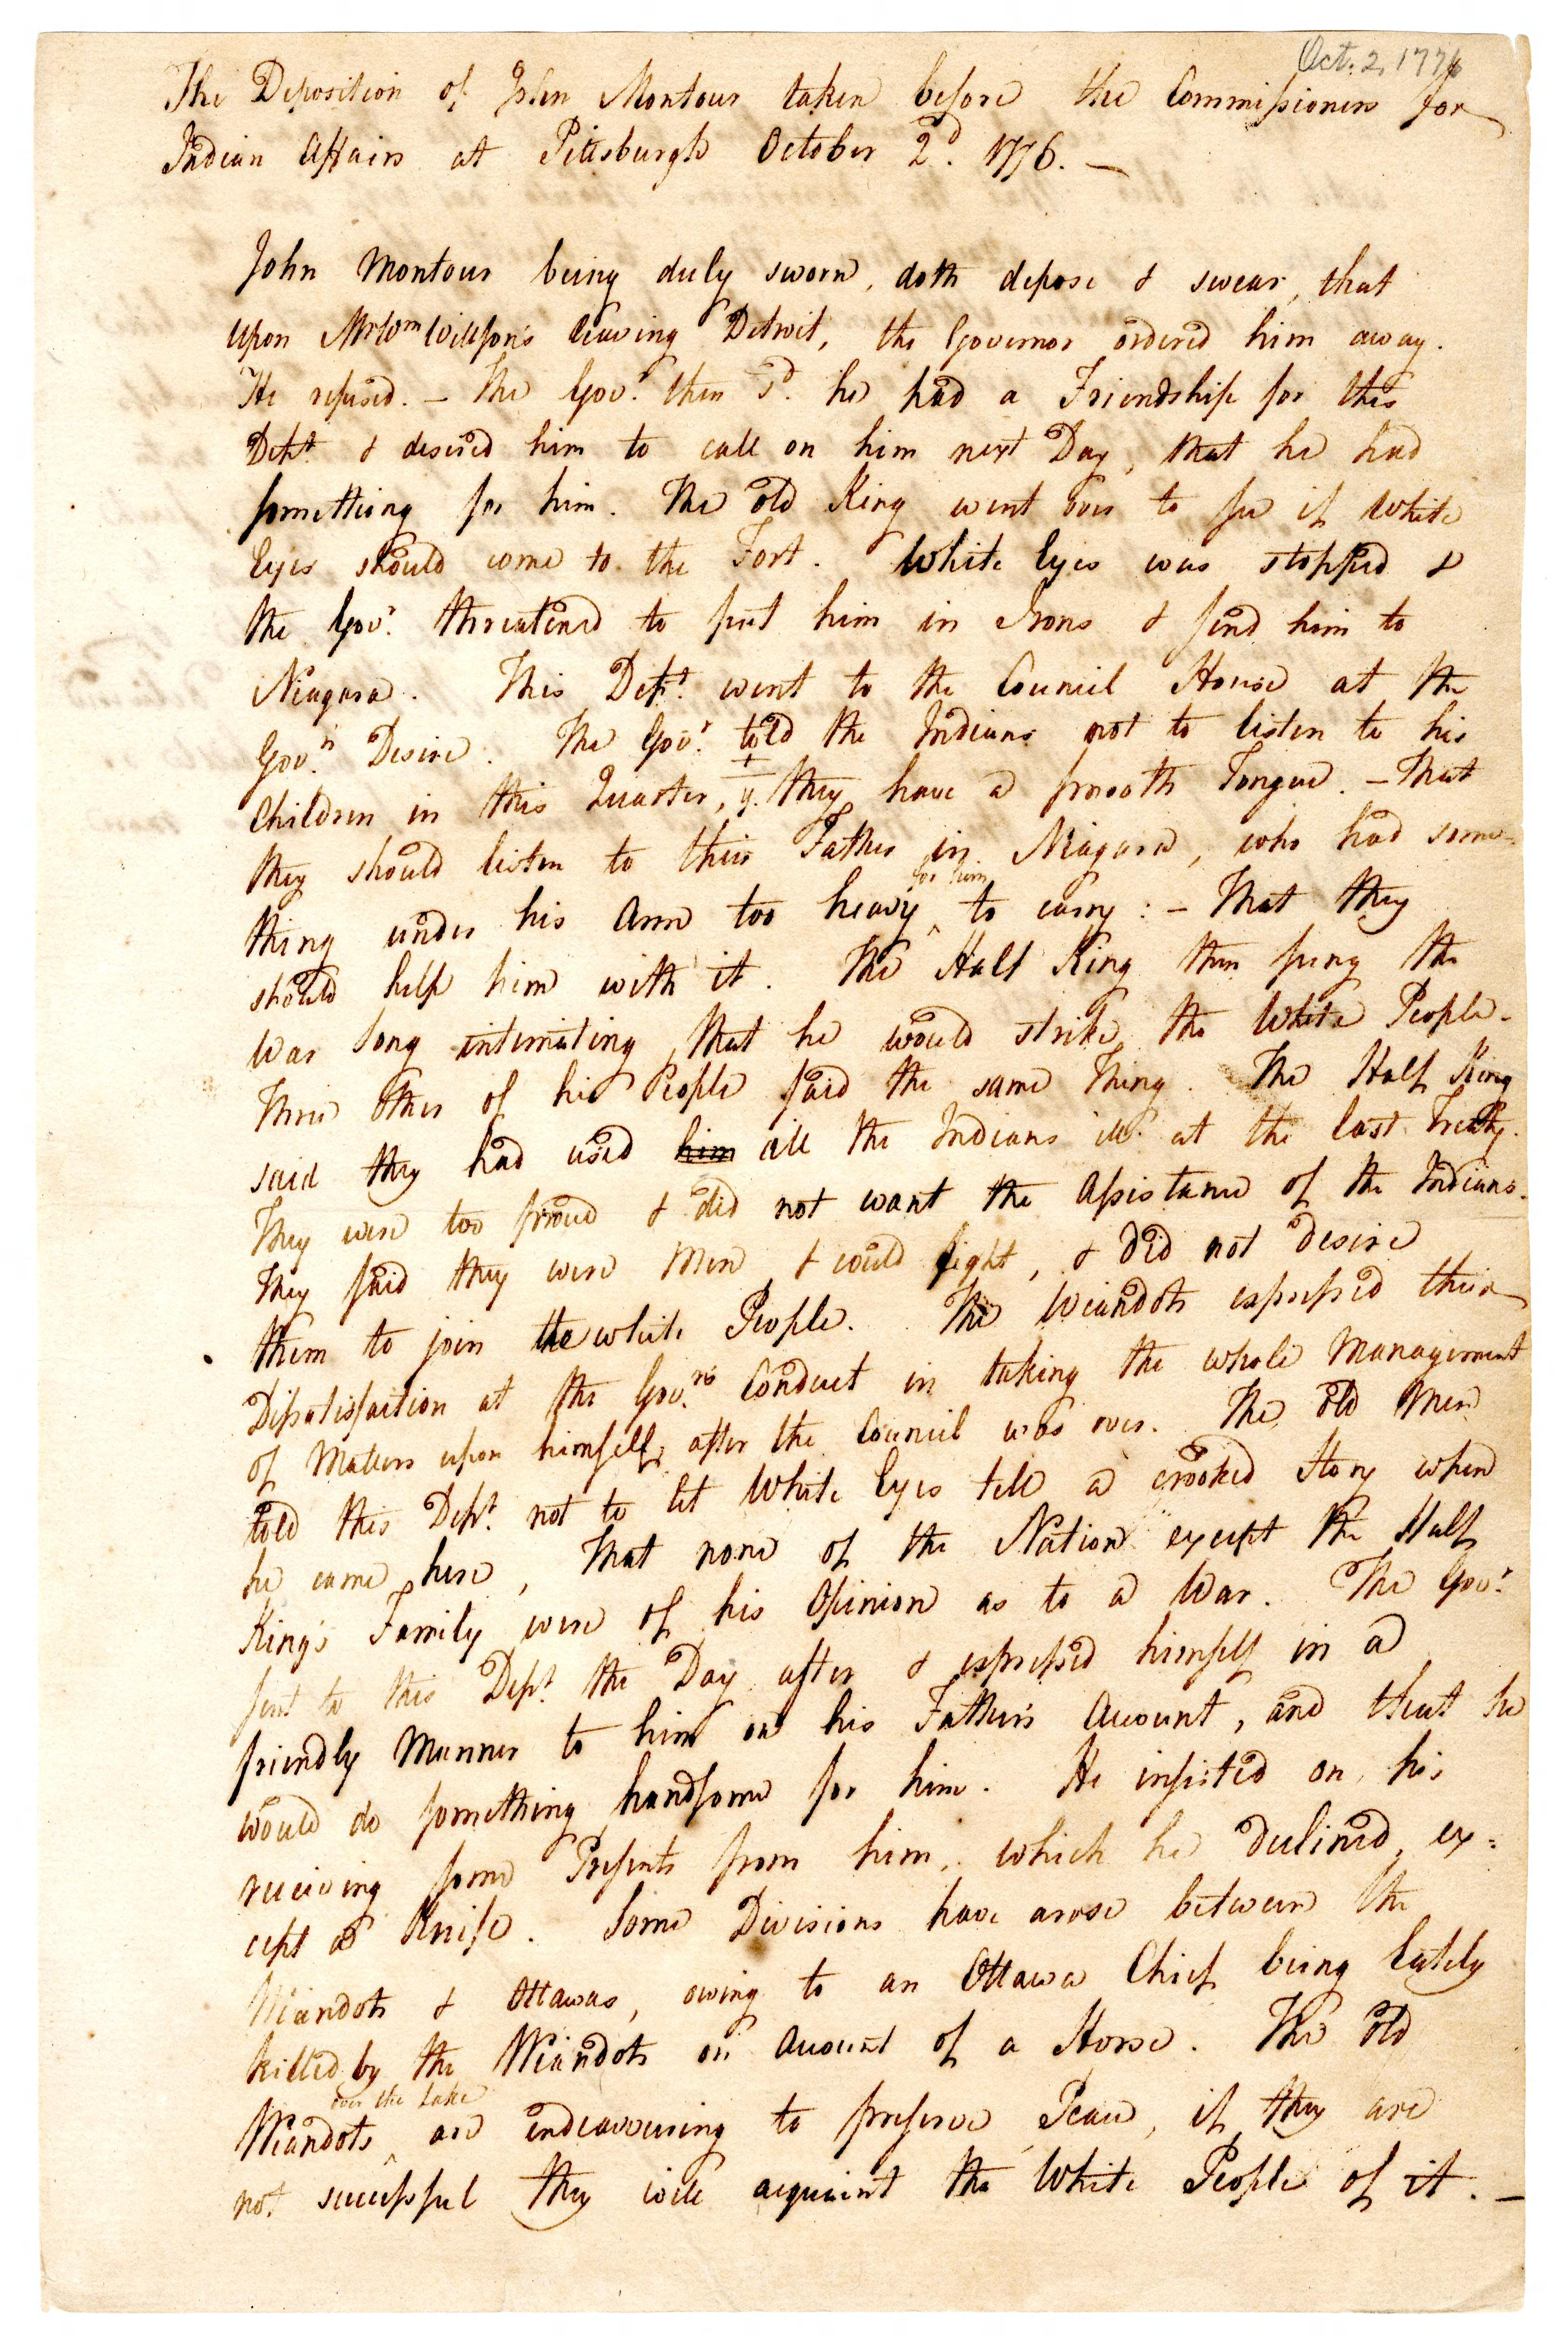The Deposition of John Montour taken before the Commissioner for
Indian Affairs at Pittsburgh October 2^d. 1776.
John Montour being duly sworn, doth depose & swear, that
upon M^r W^m Willson's leaving Detroit, the Governor ordered him away.
He refused.- The Gov^r. then s^d. he had a Friendship for this
Dep^t. & desired him to call on him next Day, that he had
something for him. The old King went over to see if white
Eyes should come to the Fort. White Eyes was stopped &
the Gov^r. threatened to put him in Irons & send him to
Niagara. This Dep^t. went to the Council House at the
Gov^r Desire. The Gov^r. told the Indians not to listen to his
Children in this Quarter, & they have a smooth Tongue.- That
they should listen to their Father in Niagara, who had some
for him
thing under his Arm too heavy ^ to carry:- That they
should help him with it. The Half King then sung the
War Song intimating that he would strike the White People.
Three Other of his People said the same Thing. The Half King
said they had used him all the Indians ill at the last Treaty.
They were too proud & did not want the Assistance of the Indians.
They said they were Men & could fight, & did not desire
them to join the white People. The Wiandots espoused their
Dissatisfaction at the Gov^r. Conduct in taking the whole Management
of Matters upon himself, after the Council was over. The old Men
told this Dep^t. not to let White Eyes tell a crooked Story when
he came here, That none of the Nation except the Half
King's Family were of his Opinion as to a War. The Gov^r.
sent to this Dep^t. the Day after & espoused himself in a
friendly Manner to him on his Father's Account, and that he
would do something handsome for him. He insisted on his
receiving some Presents from him, which he declined, ex-
cept a Knife. Some Divisions have arose between the
Wiandots & Ottawas, owing to an Ottawa Chief being lately
killed by the Wiandots on account of a Horse. The old
over the Lake
Wiandots ^ are endeavouring to preserve Peace, if they are
not successful they will acquaint the White People of it.-